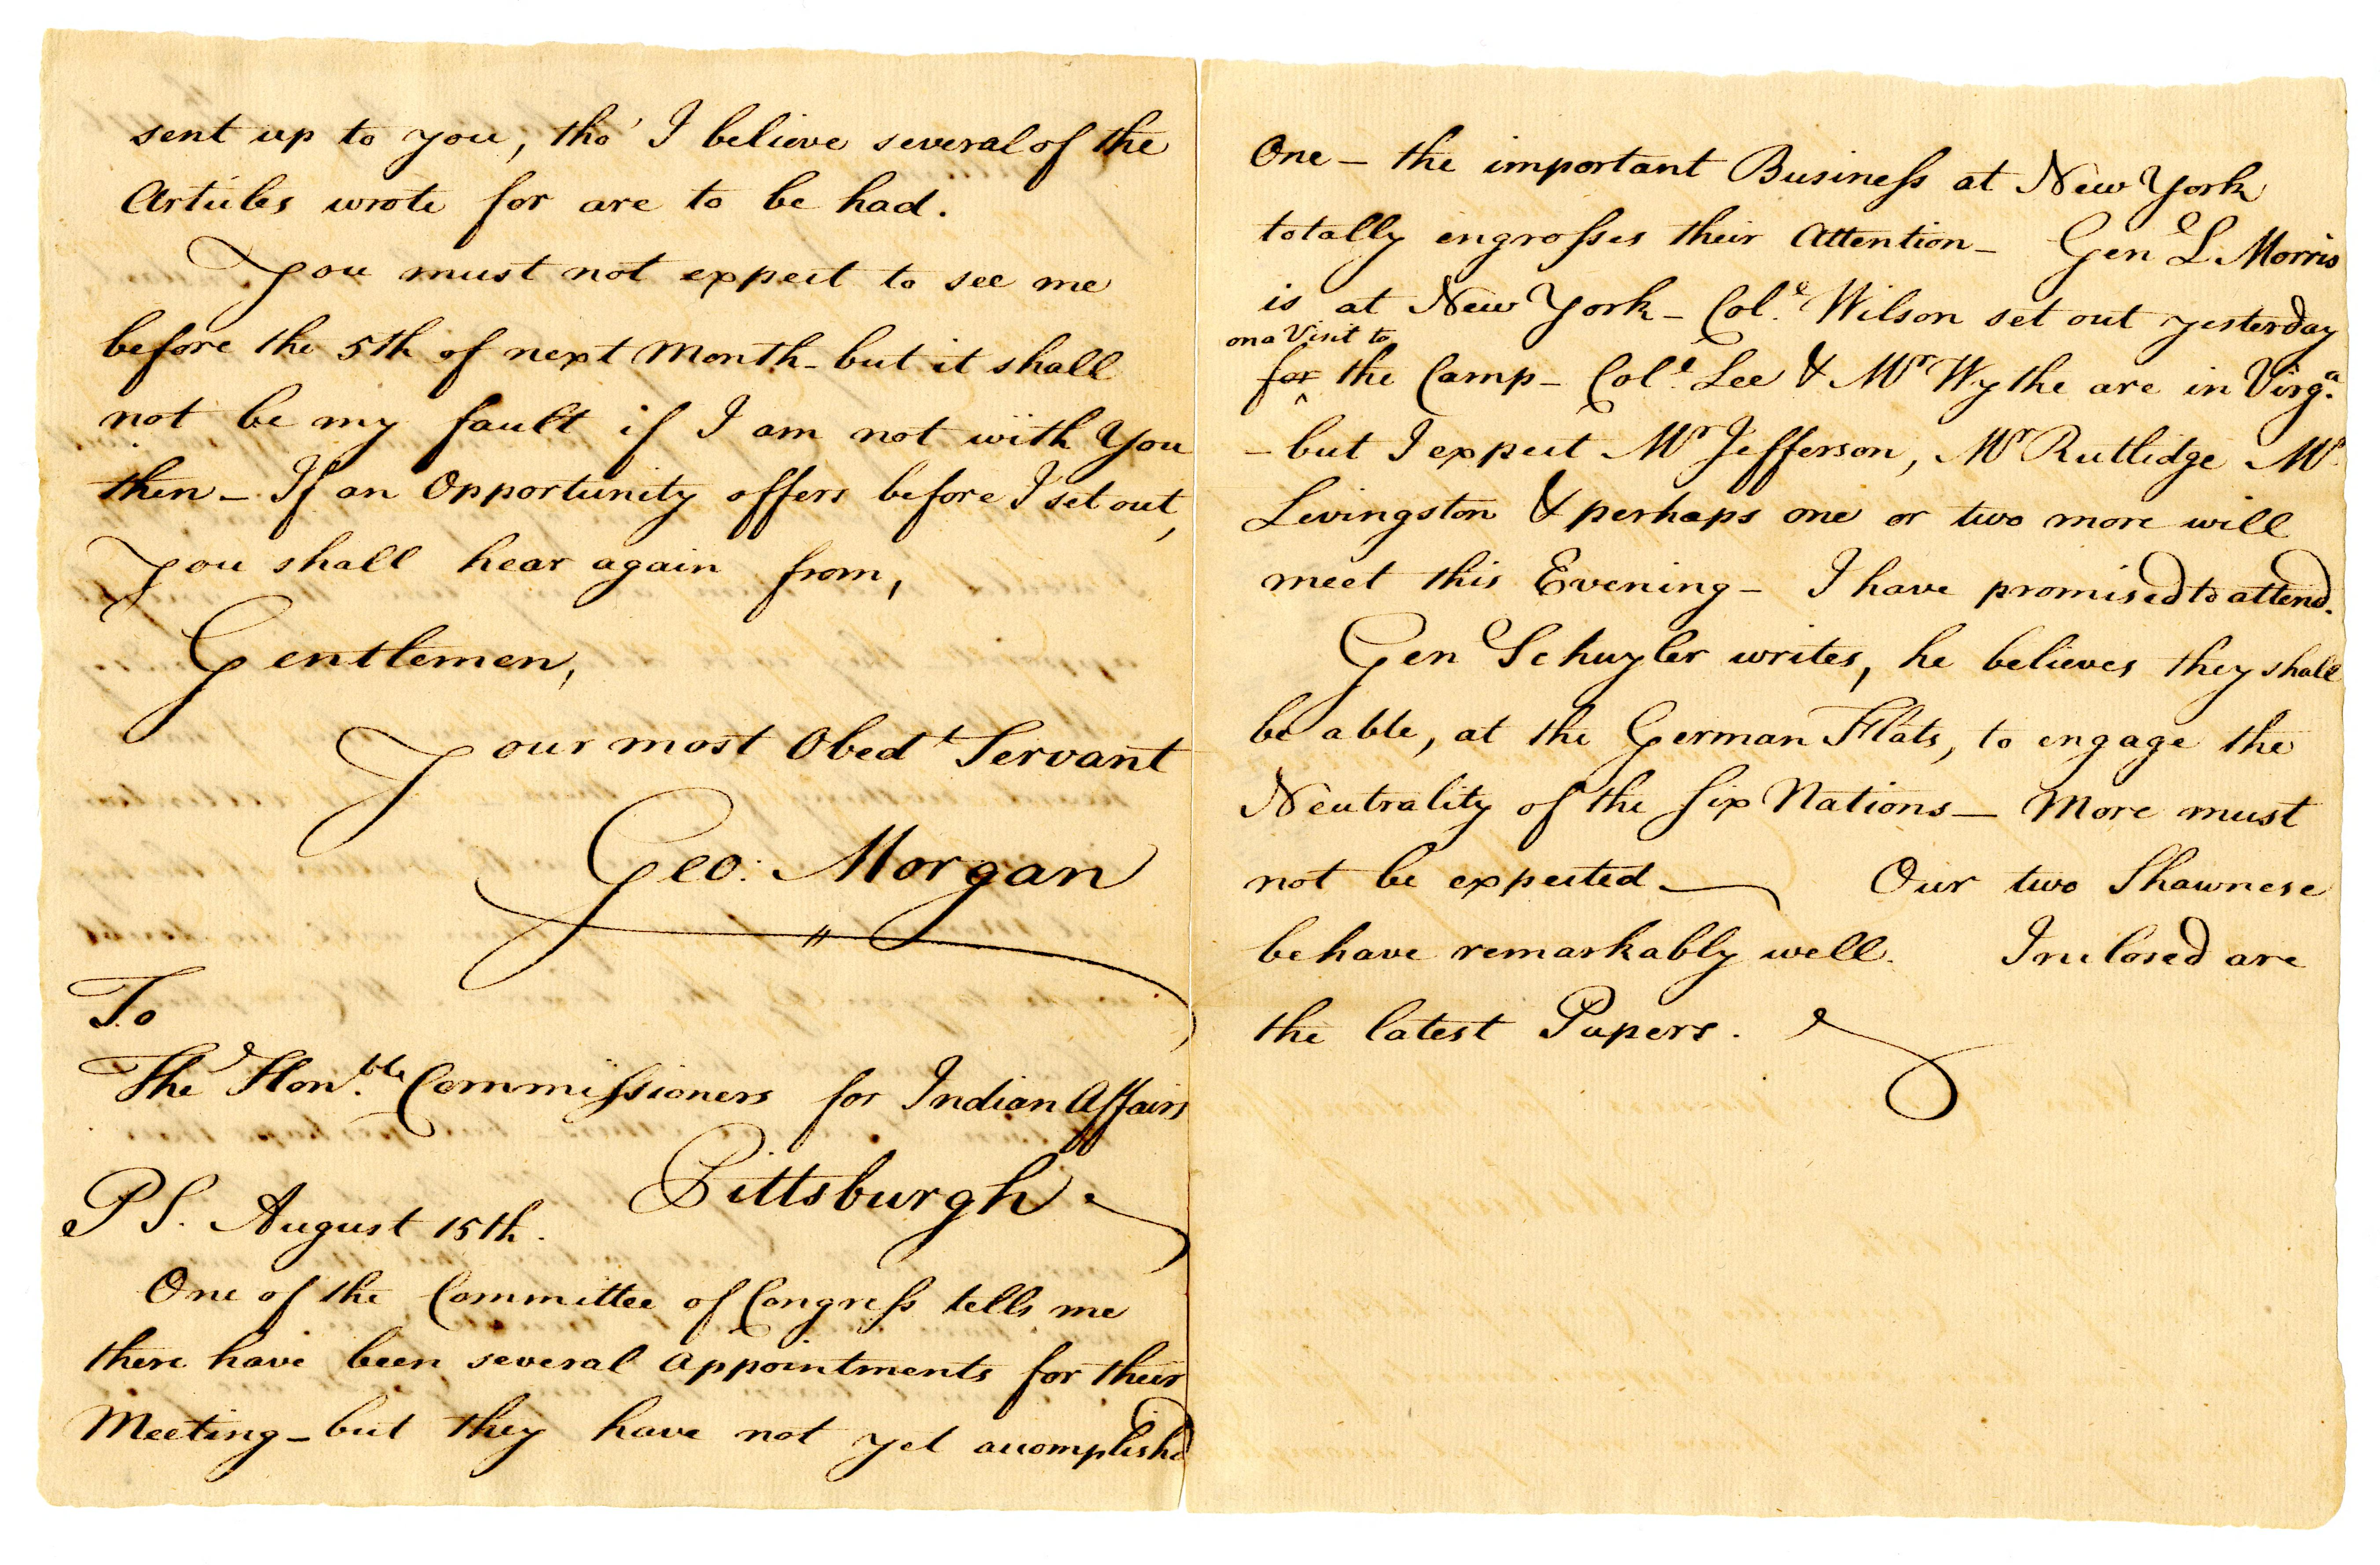sent up to you, tho' I believe several of the
Articles wrote for are to be had.
You must not expect to see me
before the 5th of next Month, but it shall
not be my fault if I am not with You
then- If an Opportunity offers before I set out,
you shall hear again from,
Gentlemen,
Your most Obed^t Servant
Geo: Morgan
To
The Hon^ble. Commissioners for Indian Affairs
Pittsburgh
PS. August 15th.
One of the Committee of Congress tells me
there have been several appointments for their
Meeting- but they have not yet accomplishd
One- the important Business at New York
totally engrosses their Attention- Gen L Morris
on a Visit to
is at New York- Col^o. Wilson set out yesterday
for ^ the Camp- Col^o. Lee & M^r Wythe are in Virg^a.
- but I expect M^r Jefferson, M^r Rutlidge M^r
Livingston & perhaps one or two more will
meet this Evening- I have promised to attend.
Gen Schuyler writes, he believes they shall
be able, at the German Flats, to engage the
Neutrality of the Six Nations- More must
not be expected- Our two Shawnese
behave remarkably well. Inclosed are
the latest Papers.